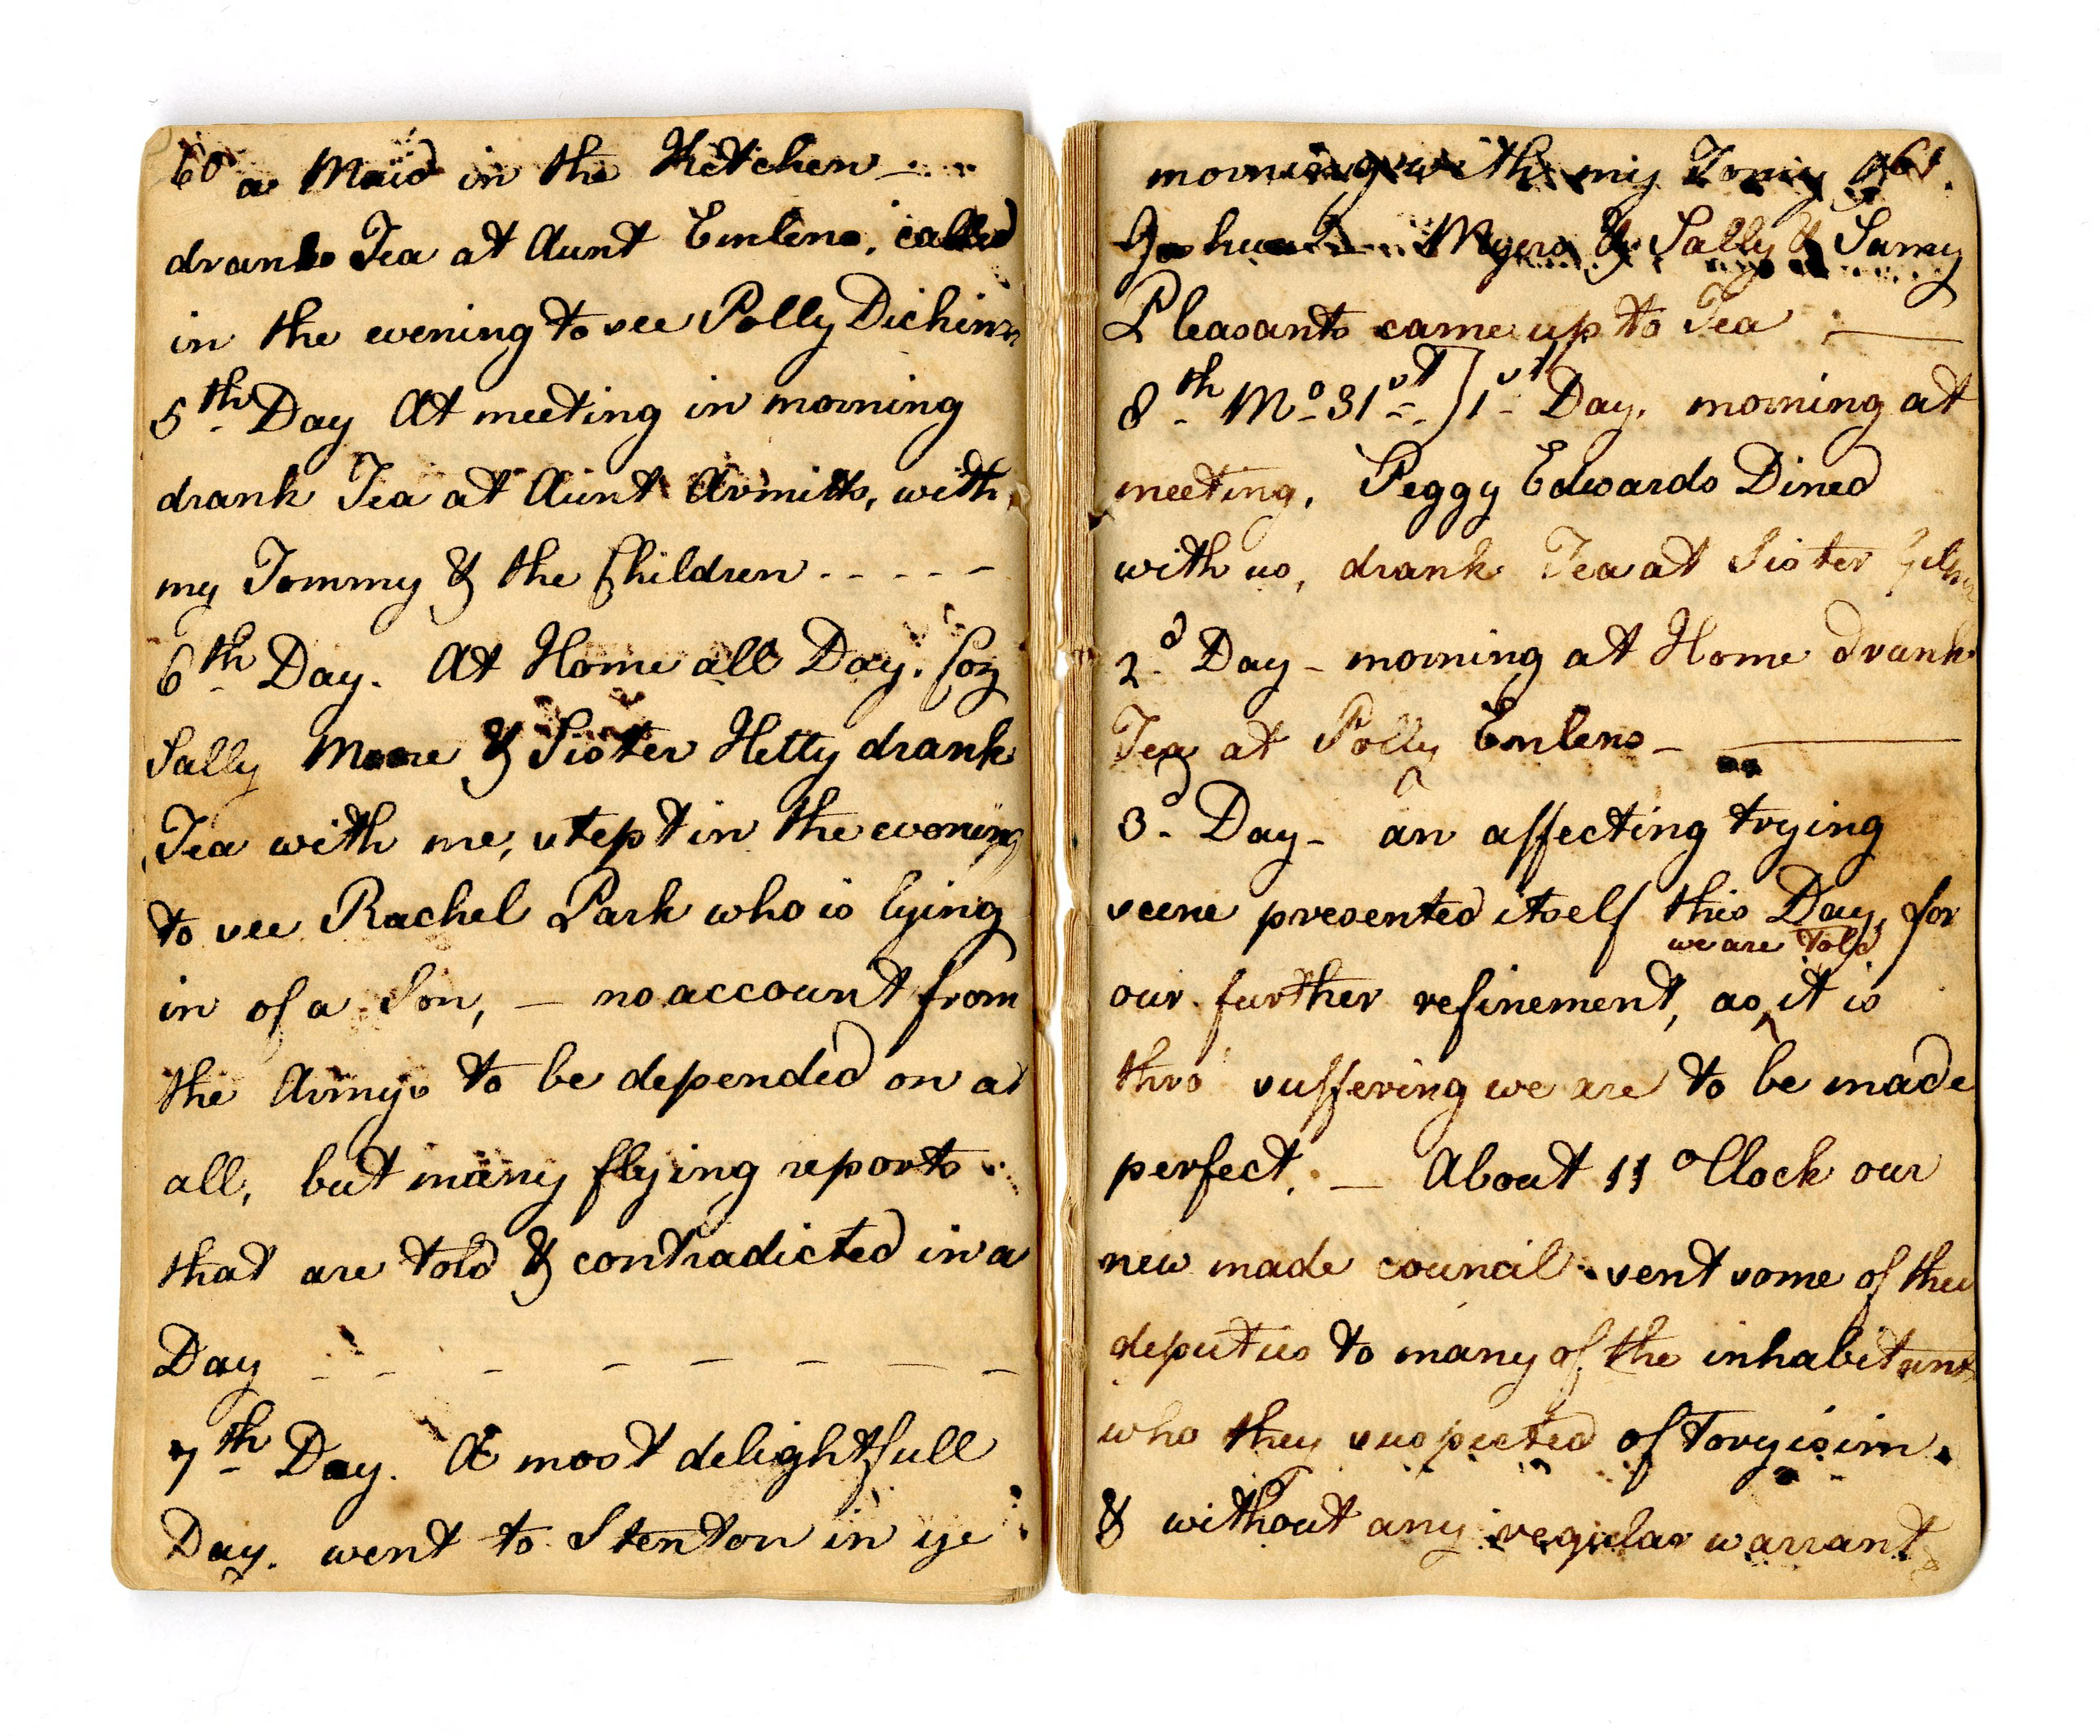a Maid in the Kitchen-
drank Tea at Aunt Emlen, called
in the evening to see Polly Dickinon
5^th. Day At meeting in morning
drank Tea at Aunt Armitts, with
my Tommy & the Children-
6^th Day. At Home all Day. Coz
Sally Moore & Sister Hetty drank
Tea with me, stept in the evening
to see Rachel Park who is lying
in of a Son,- no account from
the Armys to be depended on at
all, but many flying reports.
that are told & contradicted in a
Day-
7^th Day. A most delightfull
Day. went to Stenton in ye
morning with my Tomy &
Joshua Myers & Sally & Samy
Pleasants came up to Tea-
8^th M^o 31^st ) 1^st Day. morning at
meeting, Peggy Edwards Dined
with us, drank Tea at Sister Gilpin
2^d. Day- morning at Home drank
Tea at Polly Emlens-
3^d. Day- an affecting trying
scene presented itself this Day for
we are told
our further refinement, as ^ it is
thro' suffering we are to be made
perfect,- About 11 ^oClock our
new made council sent some of thee
deputies to many of the inhabitants
who they suspected of Toryisim
& without any regular warrant